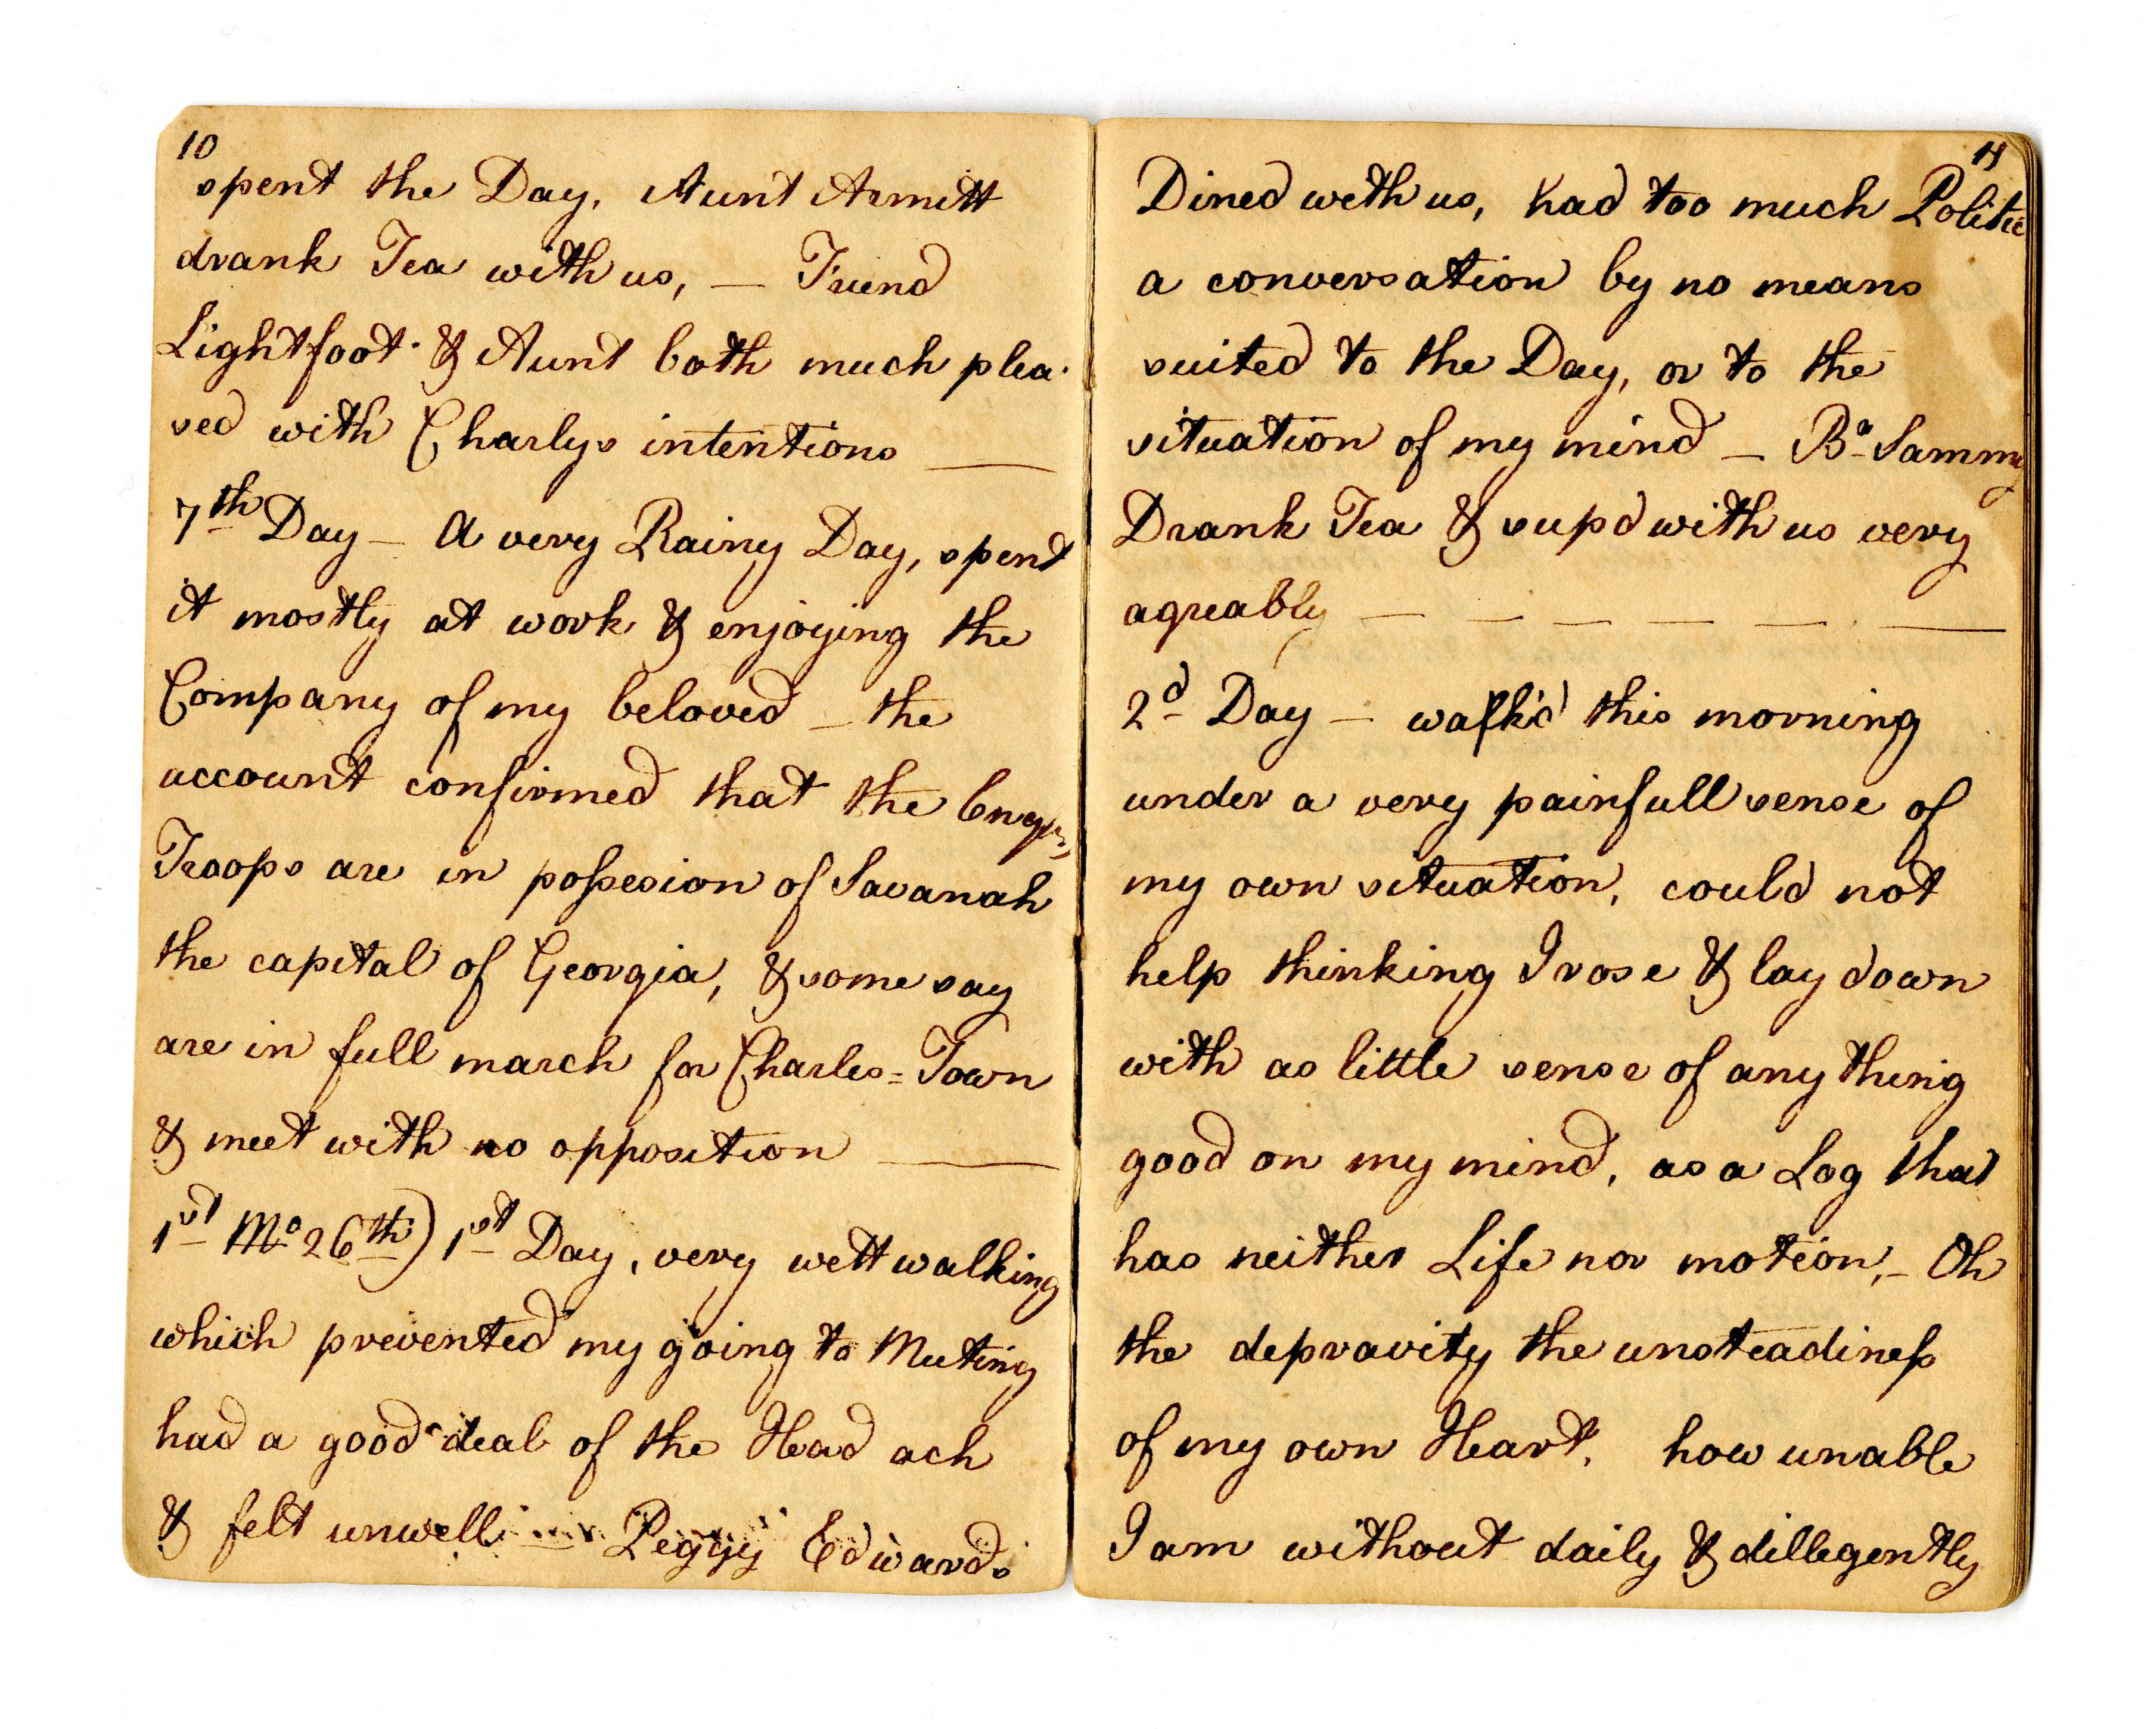10
spent the Day, Aunt Armitt
drank Tea with us,- Friend
Lightfoot & Aunt both much plea
sed with Charlys intentions
7^th Day- A very Rainy Day, spent
it mostly at work & enjoying the
Company of my beloved- the
account confirmed that the English
Troops are in possesion of Savanah
the capital of Georgia, & some say
are in full march for Charles-Town
& meet with no opposition
1^st M^o 26^th) 1^st Day, very wett walking
which prevented my going to Meeting
had a good deal of the Head ach
& felt unwell- Peggy Edwards
11
Dined with us, had too much Polite
a conversation by no means
suited to the Day, or to the
situation of my mind- B^r Sammy
Drank Tea & supd with us very
agreably
2^d Day- walkd this morning
under a very painfull sense of
my own situation, could not
help thinking I rose & lay down
with as little sense of any thing
good on my mind, as a Log that
has neither Life nor motion,- Oh
the depravity the unsteadiness
of my own Heart, how unable
I am without daily & dillegently